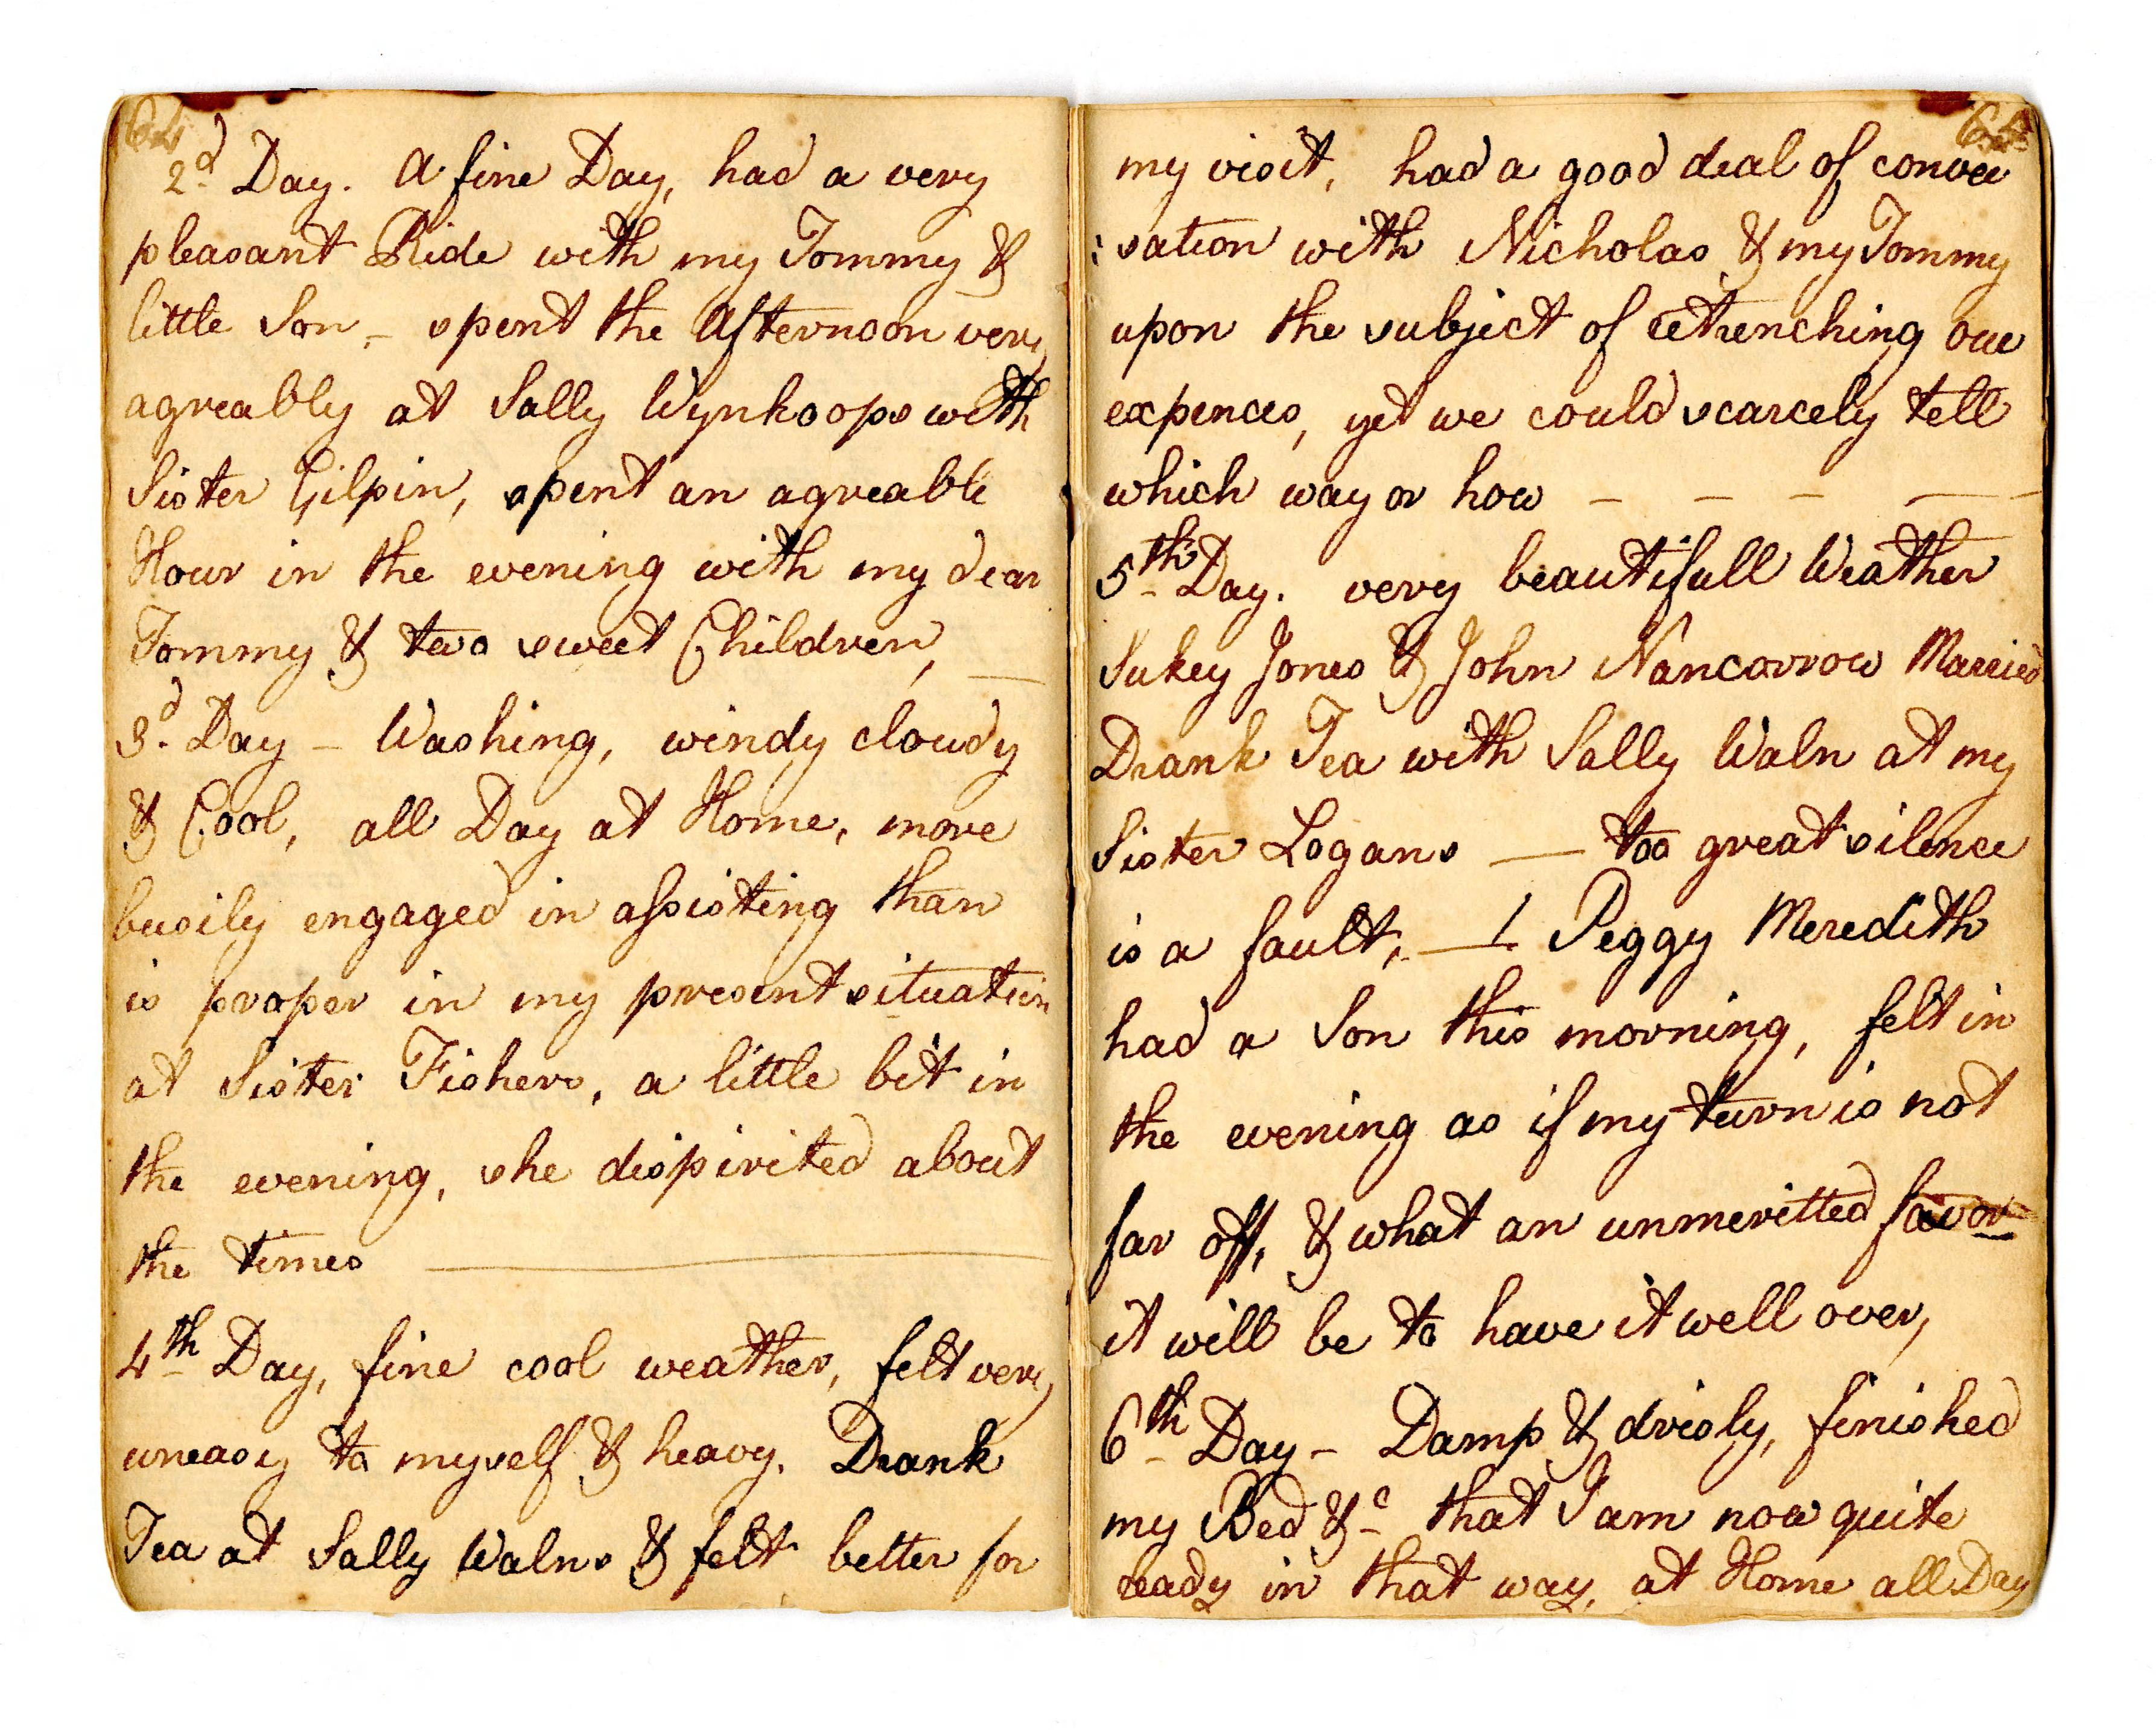64
2^d Day. A fine Day, had a very
pleasant Ride with my Tommy &
little Son, spent the Afternoon very
agreably at Sally Wynkoops with
Sister Gilpin, spent an agreable
Hour in the evening with my dear
Tommy & two sweet Children,
3^d. Day- Washing, windy cloudy
& Cool, all Day at Home, more
busily engaged in assisting than
is proper in my present situation
at Sister Fishers, a little bit in
the evening, she dispirited about
the times-
4^th Day, fine cool weather, felt very
uneasy to myself & heavy. Drank
Tea at Sally Walns & felt better for
65
my visit, had a good deal of conver
-sation with Nicholas & my Tommy
upon the subject of retrenching our
expences, yet we could scarcely tell
which way or how
5^th Day. very beautifull Weather
Sukey Jones & John Nancarrow Married
Drank Tea with Sally Waln at my
Sister Logans- too great silence
is a fault,- Peggy Meredith
had a Son this morning, felt in
the evening as if my turn is not
far off, & what an unmeritted favor
it will be to have it well over,
6^th Day- Damp & drisly finished
my Bed &^c that I am now quite
ready in that way at Home all Day